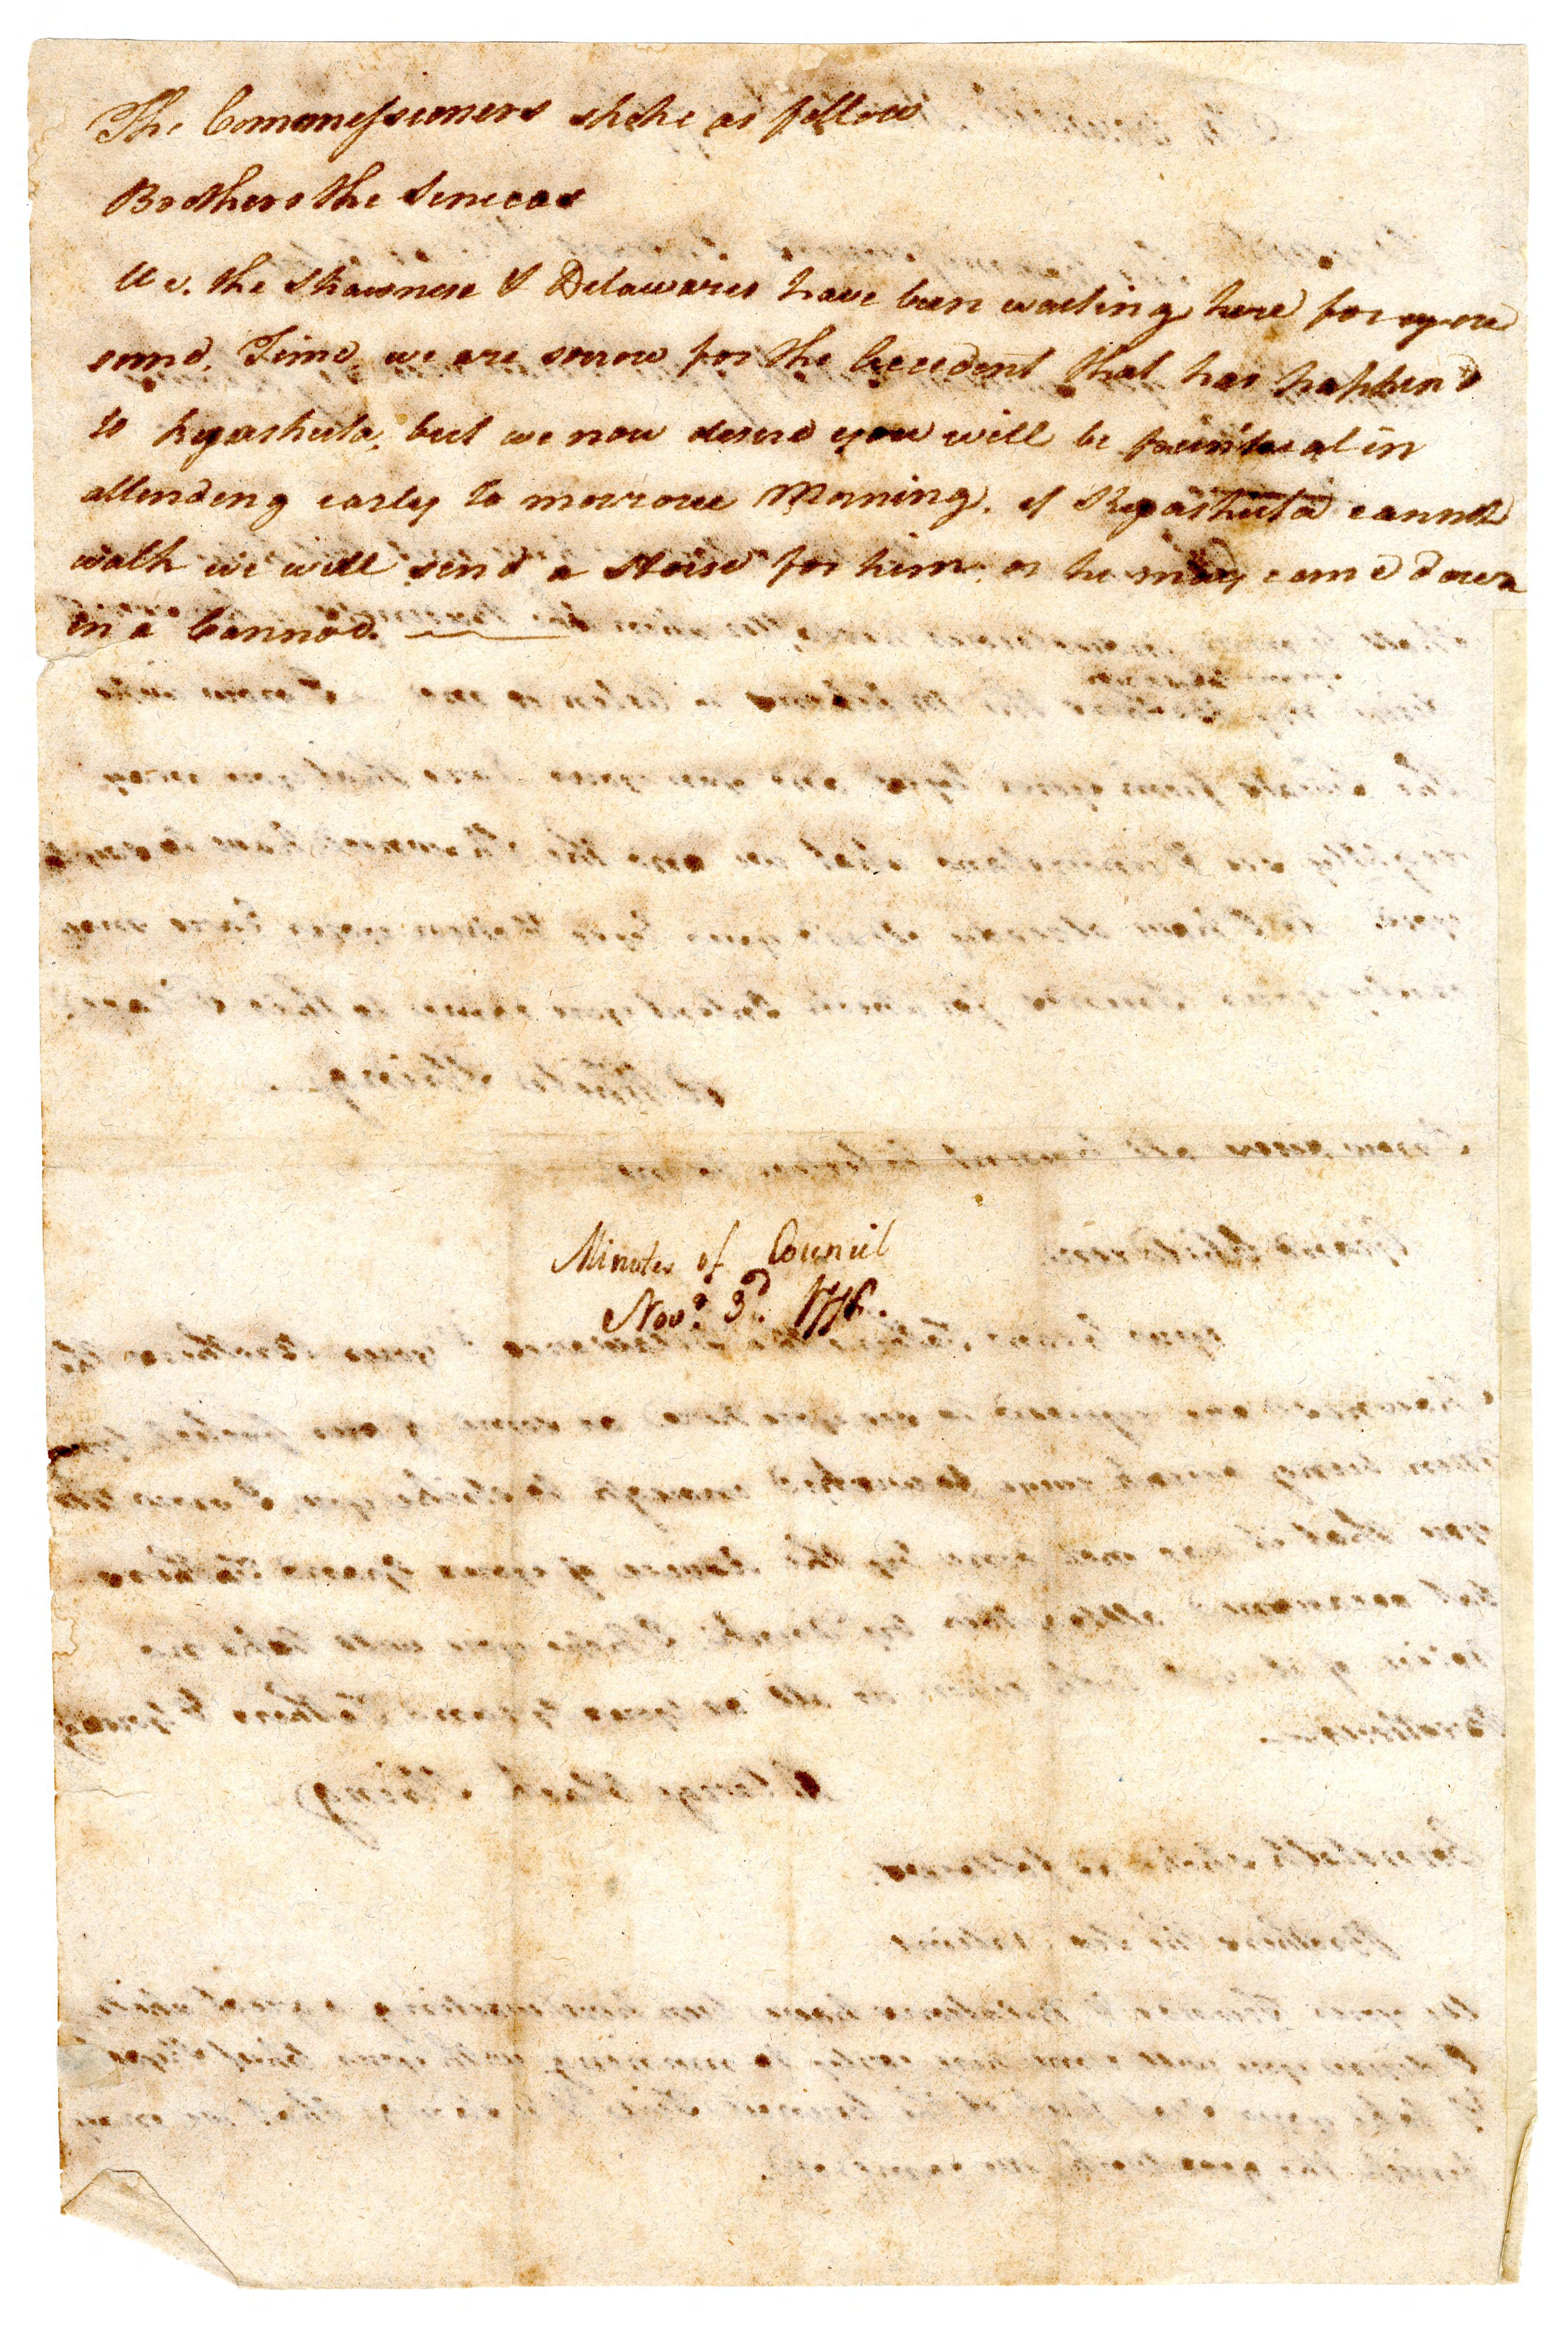The Commissioners spoke as follows
Brothers the Senecas
we the Shawnese & Delawares have been waiting here for you
some Time we are sorrow for the Incident that has happen'd
to Gyashuta, but we now desire you will be punctual in
attending early to morrow morning, if Ghyashuta cannot
walk we will send a Horse for him; or he may come down
in a Cannoe.
Minutes of Council
Nov^r. 3^d. 1776